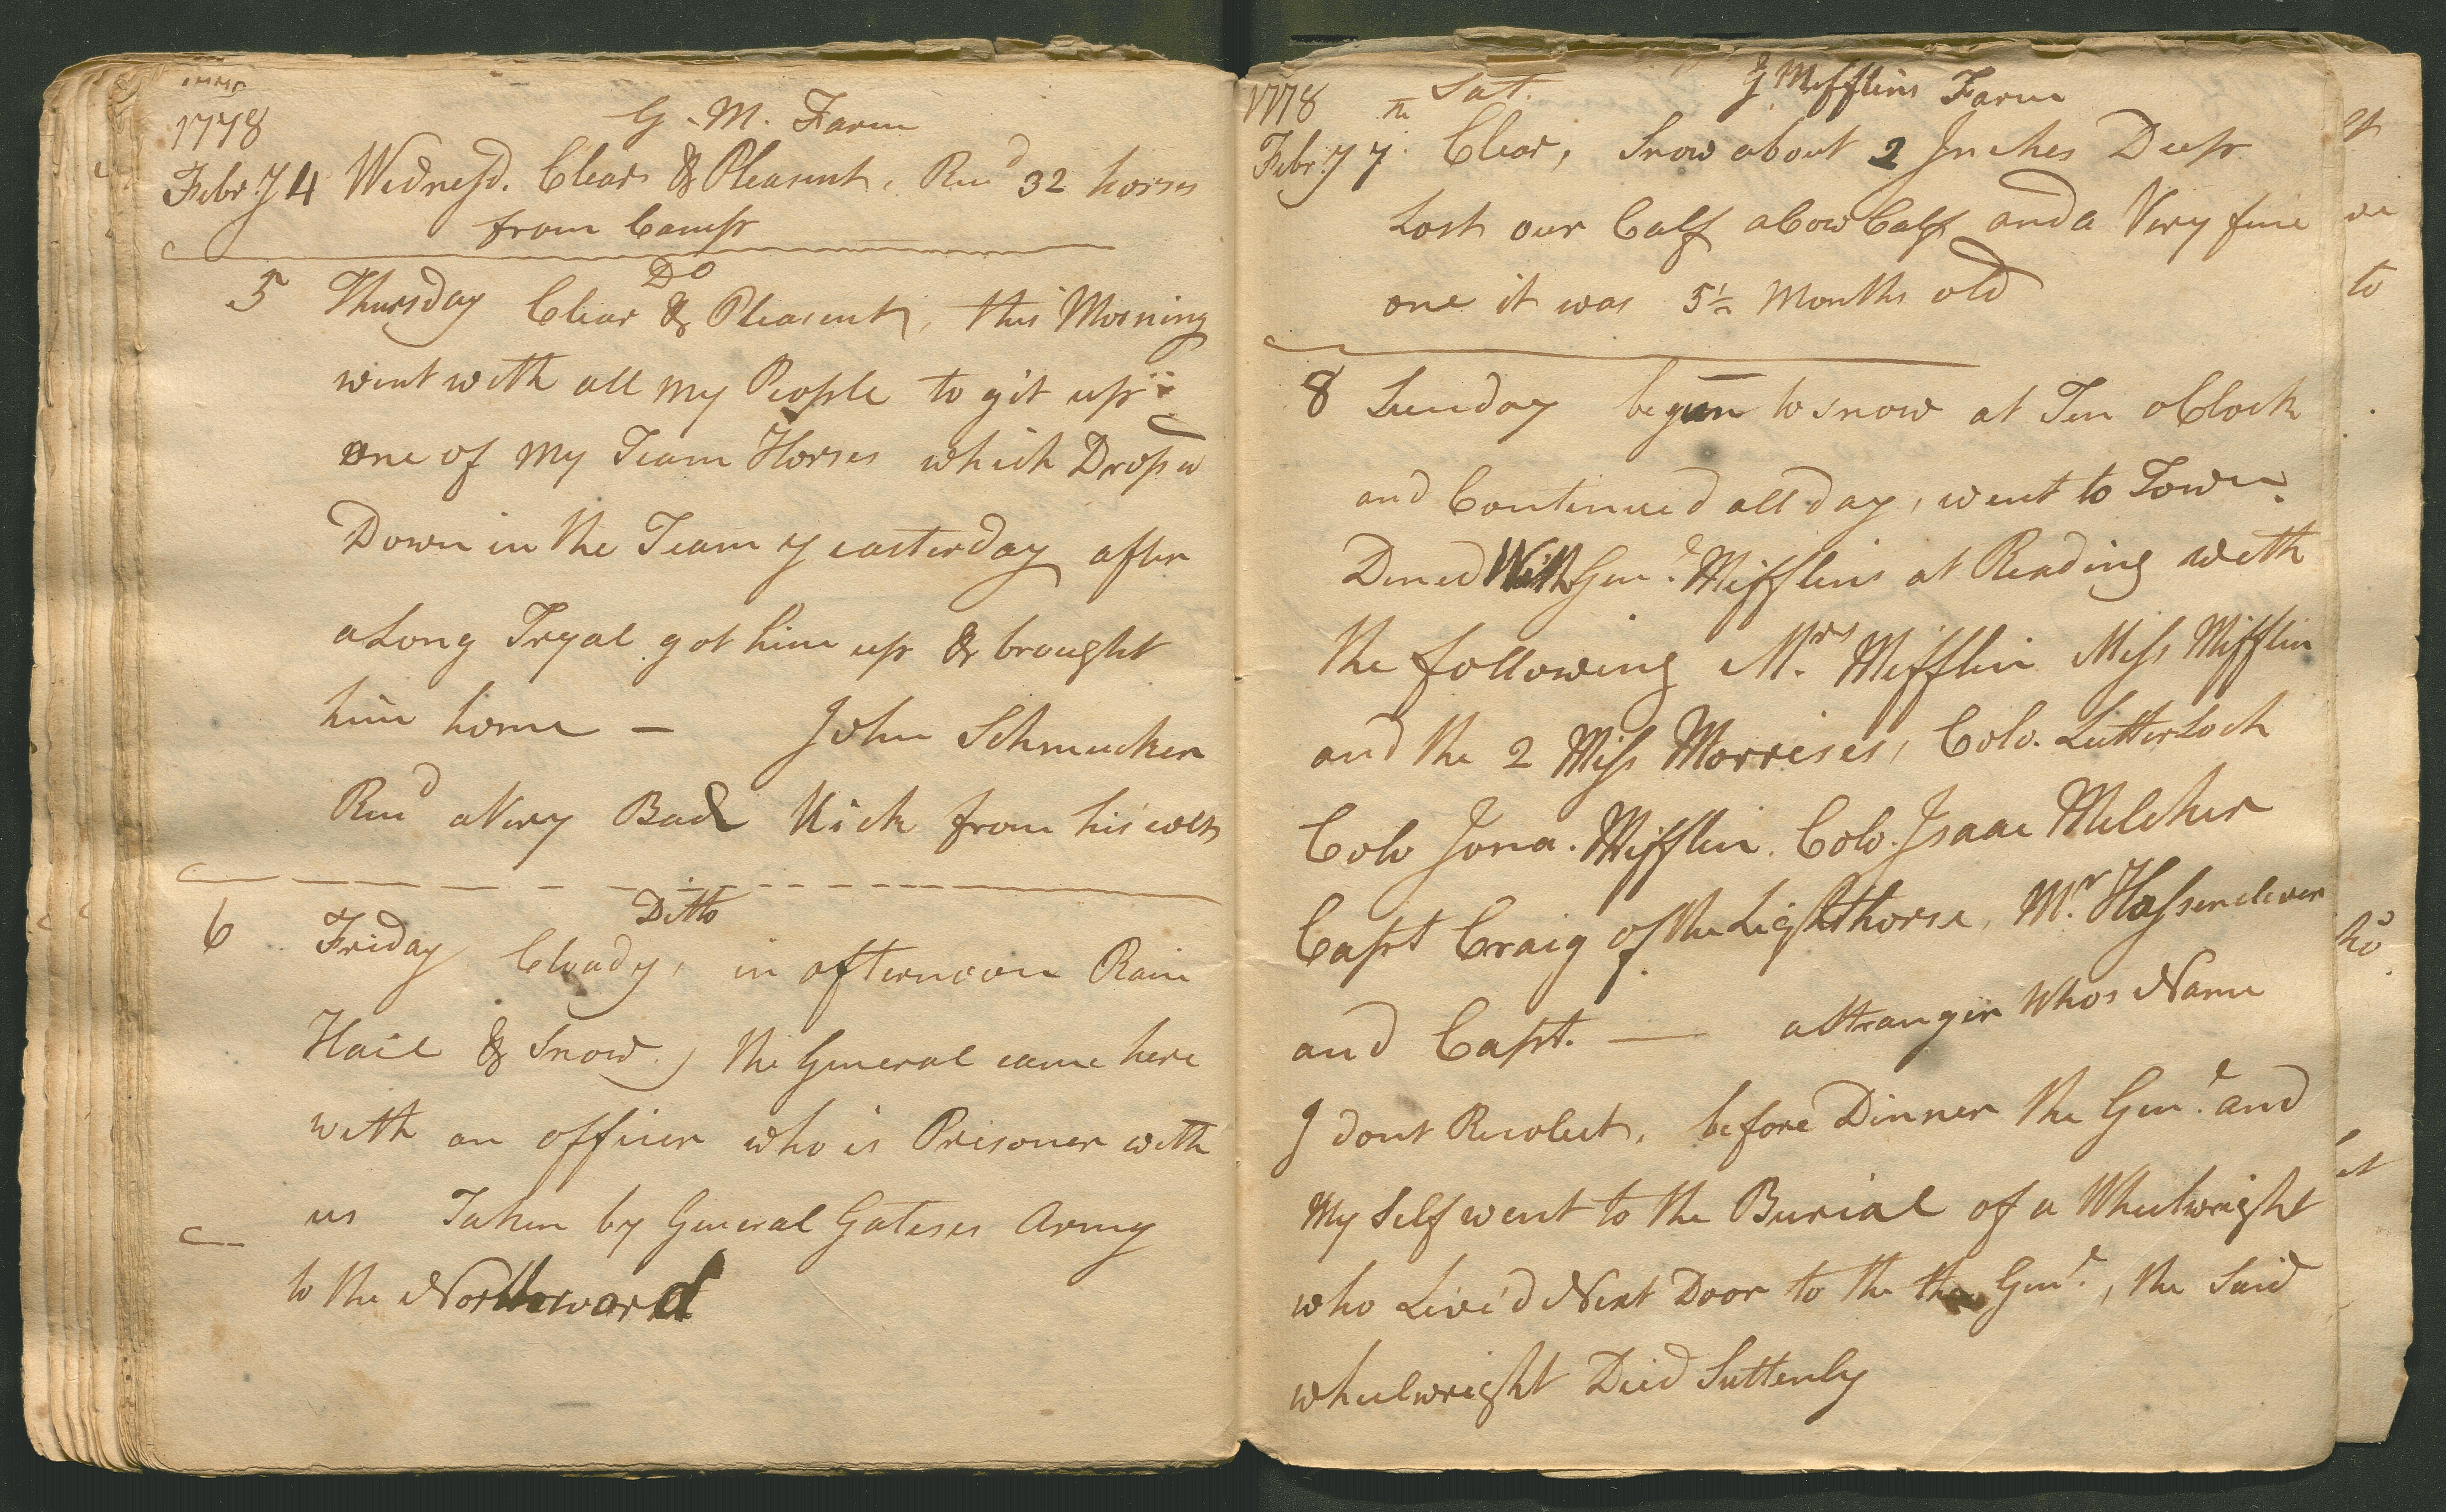1778
G. M. Farm
Febr^y. 4 Wedness. Clear & Pleasent. Rec^d 32 horses
from Camp
Do
5 Thursday Clear & Pleasent, this Morning
went with all my People to git up
one of My Team Horses which Droped
Down in the Team yeasterday after
a Long Tryal got him up & brought
him home.
John Schmucker
Rec^d a Very Bad Kick from his colt
Ditto
6 Friday Cloudy, in afternoon Rain
Hail & snow) the General came here
with an officer who is Prisoner with
us Taken by General Gateses Army
to the Northward
1778
Sat.
G. Mifflins Farm
Febr^y. 7^th. Clear, Snow about 2 Inches Deep
Lost our Calf a Cow Calf and a Very fine
one it was 5 1/2 Months old
8 Sunday begun to snow at Ten oClock
and Continued all day, went to Town
Dined With Gen^l. Mifflins at Reading with
the following M^rs. Mifflin Mess Mifflin
ant the 2 Miss Morrises, Colo. Lutterlock
Colo Jona. Mifflin, Colo. Isaac Melcher
Capt Craig of the Lighthorse, M^r. Hassenclever
and Capt.- a stranger Whos Name
I dont Recolect, before Dinner the Gen^l. and
My self went to the Burial of a Wheelwright
who Live'd Next door to the the Gen^l., the Said
wheelwright Died Suttenly